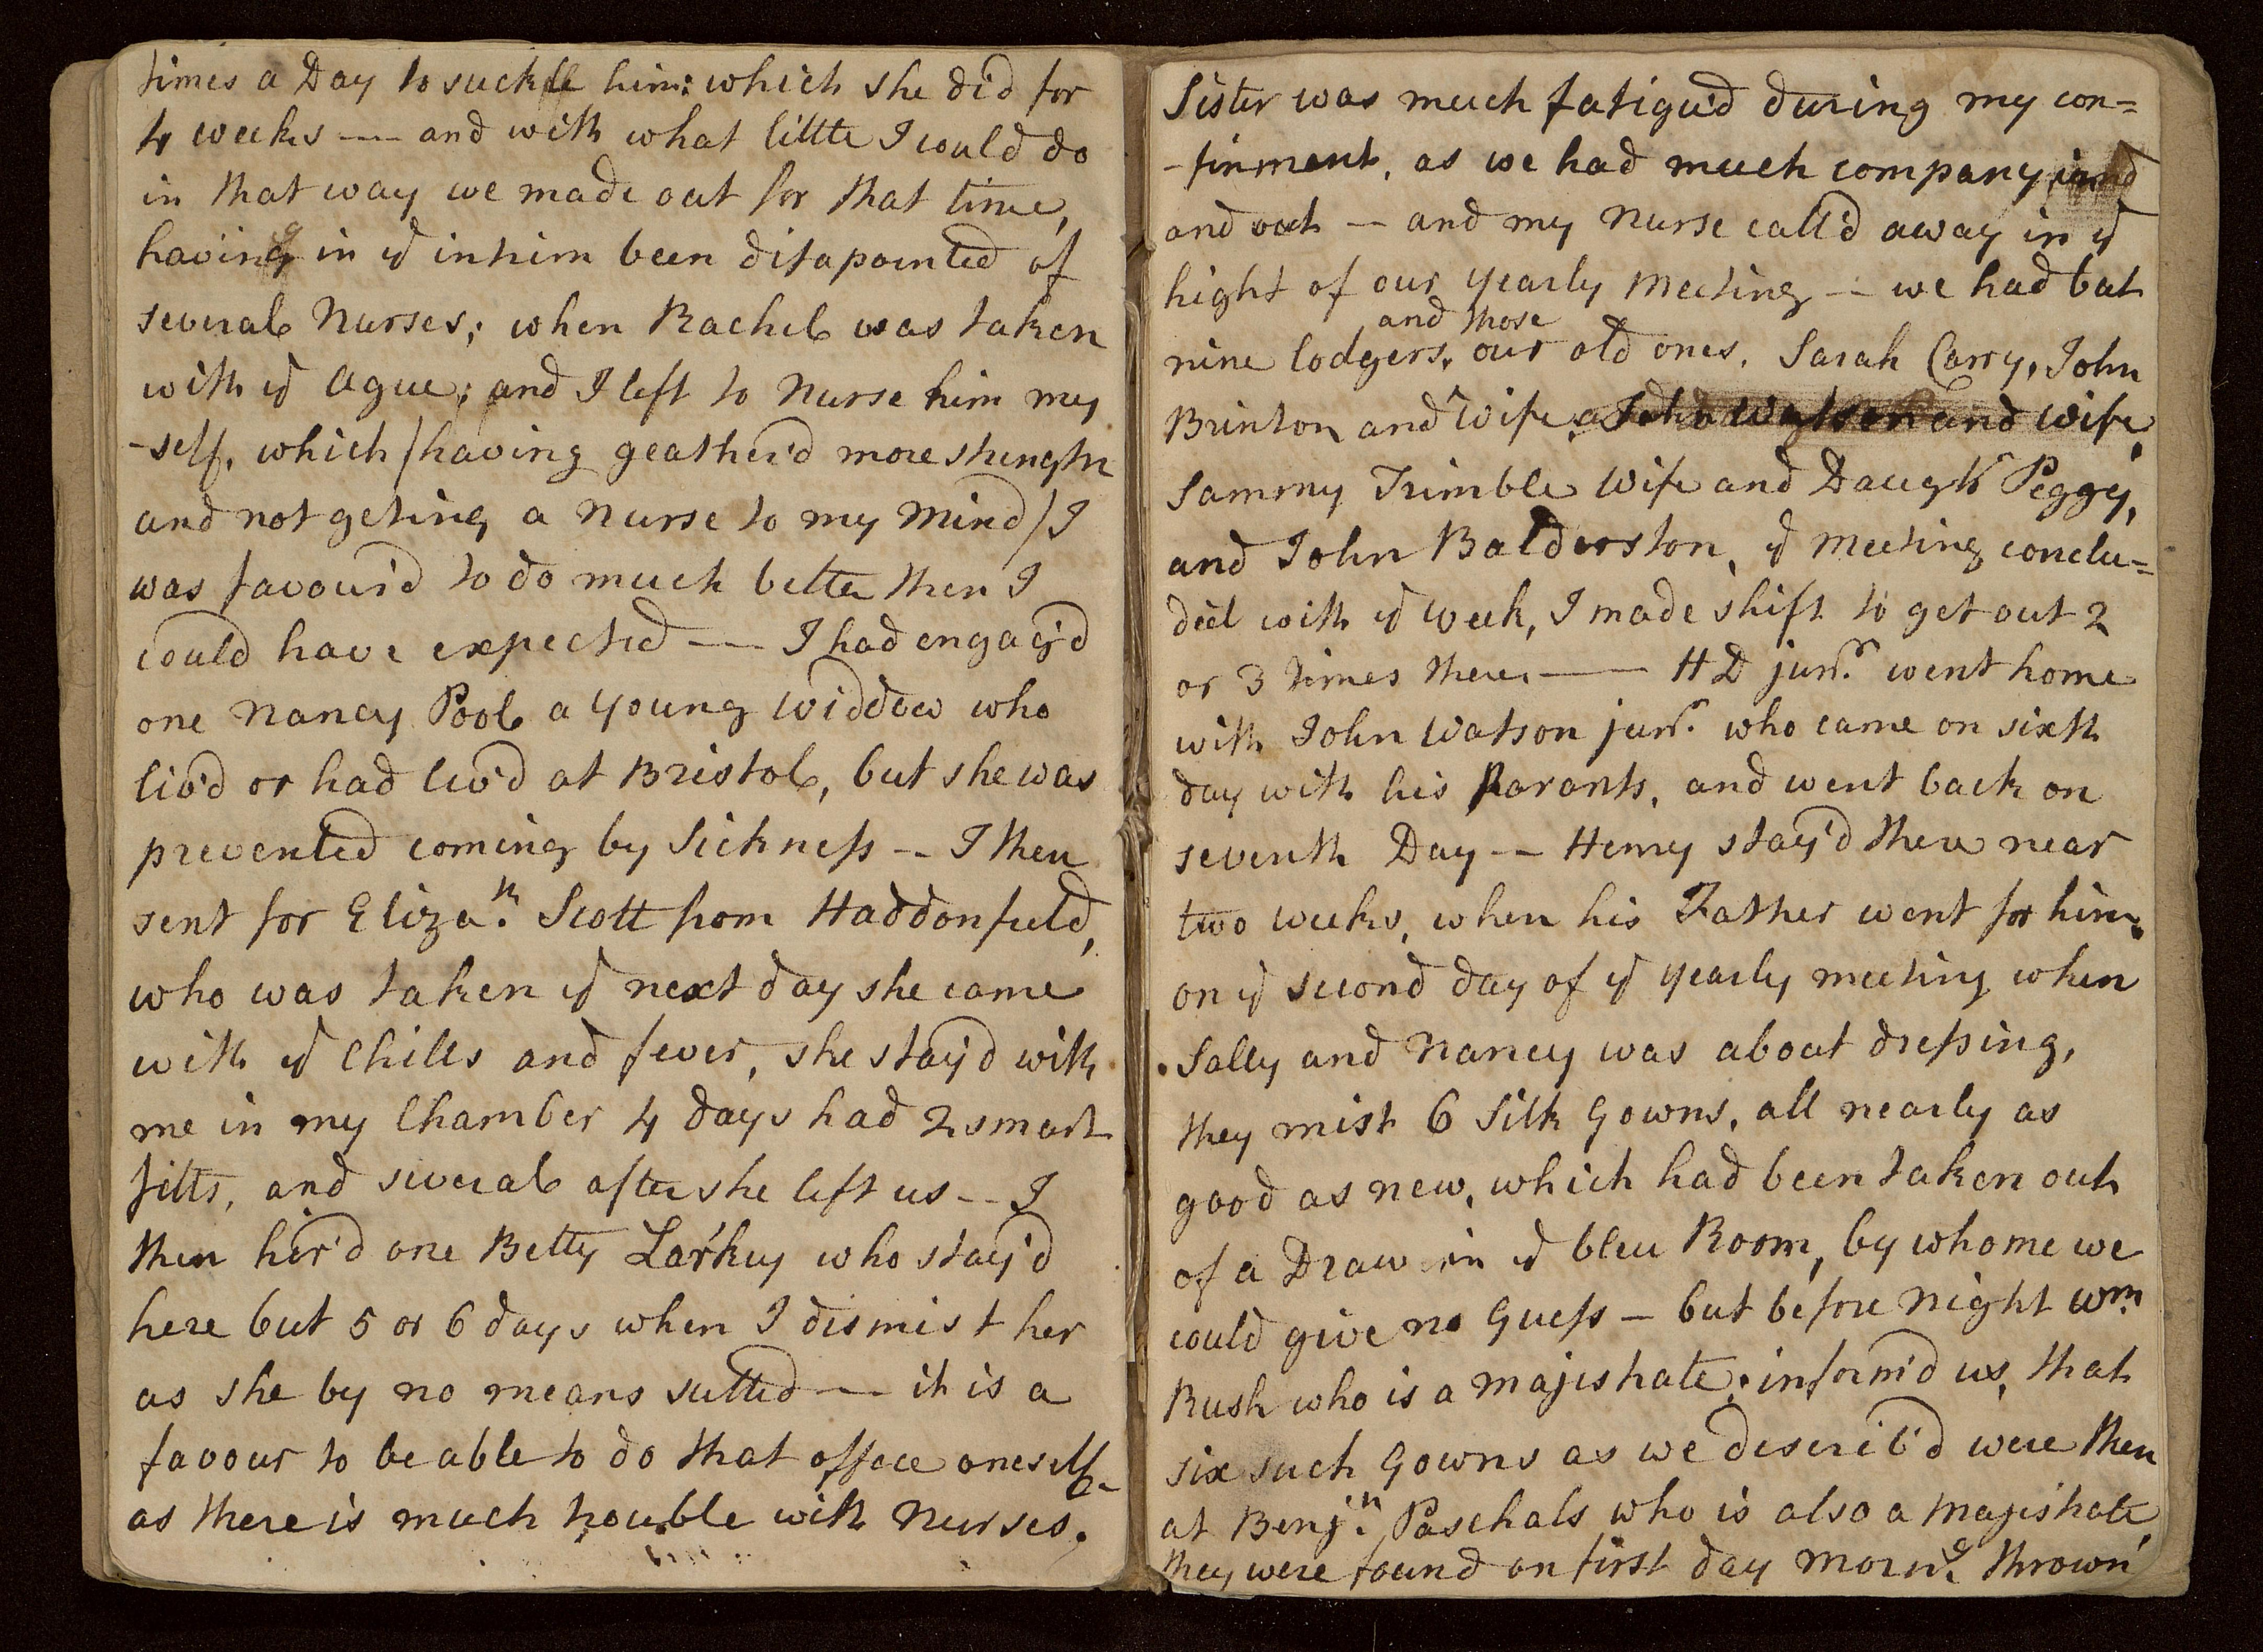times a Day to suckle him: which she did for
4 weeks- and with what little I could do
in that way we made out for that time,
having in y^e intrim been disapointed of
several Nurses; when Rachel was taken
with y^e Ague, and I left to Nurse him my
-self, which /having geather'd more strength
and not geting a nurse to my mind/ I
was favour'd to do much better then I
could have expected-- I had engag'd
one Nancy Pool a young widdow who
liv'd or had liv'd at Bristol, but she was
prevented coming by Sickness-- I then
sent for Eliza^th. Scott from Haddonfeeld,
who was taken y^e next day she came
with y^e Chills and fever, she stay'd with
me in my Chamber 4 days had 2 smart
fitts, and several after she left us-- I
then hir'd one Betty Larkey who stay'd
here but 5 or 6 days when I dismist her
as she by no means sutted- it is a
favour to be able to do that office oneself-
as there is much trouble with Nurses.
Sister was much fatigu'd during my con-
-finment, as we had much company and
and such- and my nurse call'd away in y^e
hight of our yearly meeting-- we had but
and those
nine lodgers, ^ our old ones, Sarah Carry, John
Brinton and wife a John Watson and wife
Sammy Trimble Wife and Daugh^r Peggy,
and John Balderston, y^e meeting conclu-
deel with y^e week, I made shifs to get out 2
of 3 times there.- HD jun^r went home
with John Watson jun^r who came on sixth
day with his Parants, and went back on
seventh Day-- Henry stay'd then near
two weeks, when his Father went for him.
on y^e second day of y^e yearly meeting when
.Sally and Nancy was about dressing,
they mist 6 Silk Gowns, all nearly as
good as new, which had been taken out
af a Draw in y^e bleu Room, by whome we
could give no Guess- but before night W^m.
Rush who is a majistrate. inform'd us, that
six such Gowns as we discrib'd were then
at Benj^n Paschals who is also a majistrate
thee were found on first day morn^g. thrown